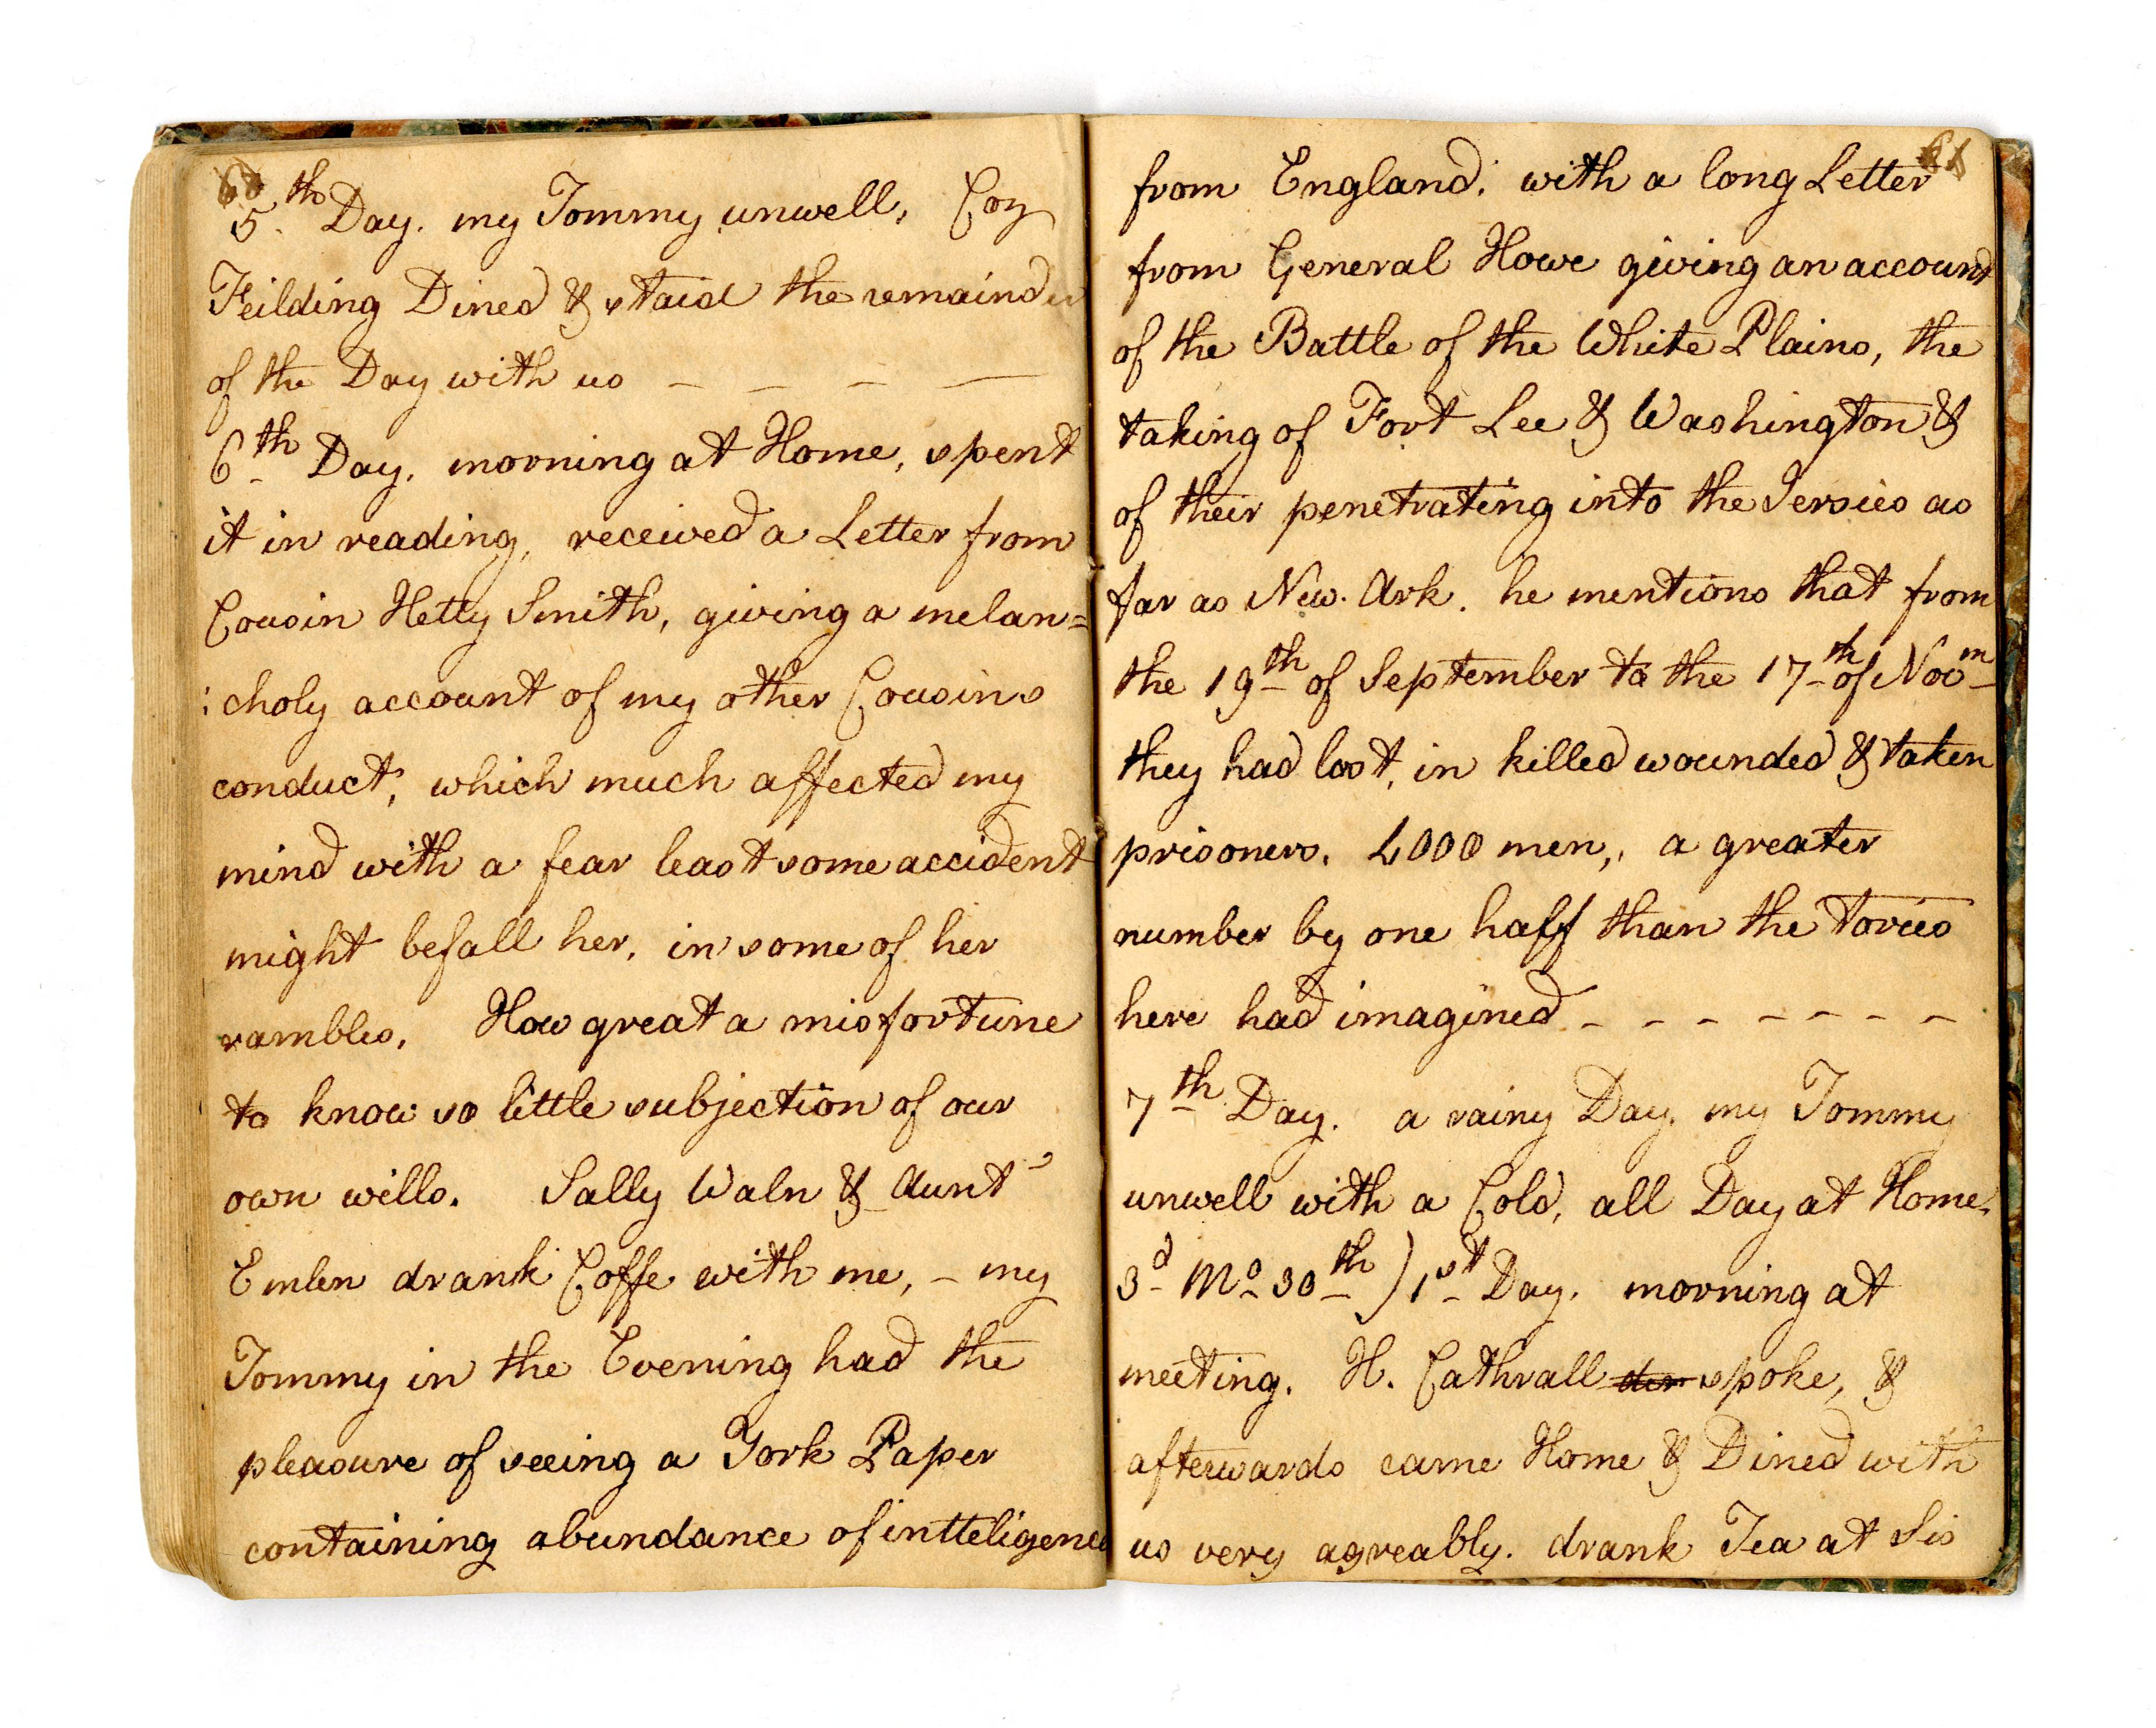5^th Day. my Tommy unwell, Coz
Feilding Dined & staid the remainder
of the Day with us-
6^th. Day. morning at Home, spent
it in reading, received a Letter from
Cousin Hetty Smith, giving a melan-
-choly account of my other Cousins
conduct, which much affected my
mind with a fear least some accident
might befall her, in some of her
rambles, How great a misfortune
to know so little subjection of our
own wills. Sally Waln & Aunt
Emlen drank Coffe with me,- my
Tommy in the Evening had the
pleasure of seeing a York Paper
containing abundance of intelligence
from England. with a long Letter
from General Howe giving an account
of the Battle of the White Plains, the
taking of Fort Lee & Washington &
of their penetrating into the Jersies as
far as New. Ark. he mentions that from
the 19^th of September to the 17^th of Nov^m
they had lost, in killed wounded & taken
prisoners, 4000 men, a greater
number by one half than the tories
here had imagined-
7^th Day. a rainy Day, my Tommy
unwell with a Cold, all Day at Home
3^d M^o 30^th ) 1^st Day, morning at
meeting. H. Cathrall [dir] spoke, &
afterwards came Home & Dined with
us very agreably. drank Tea at Sis